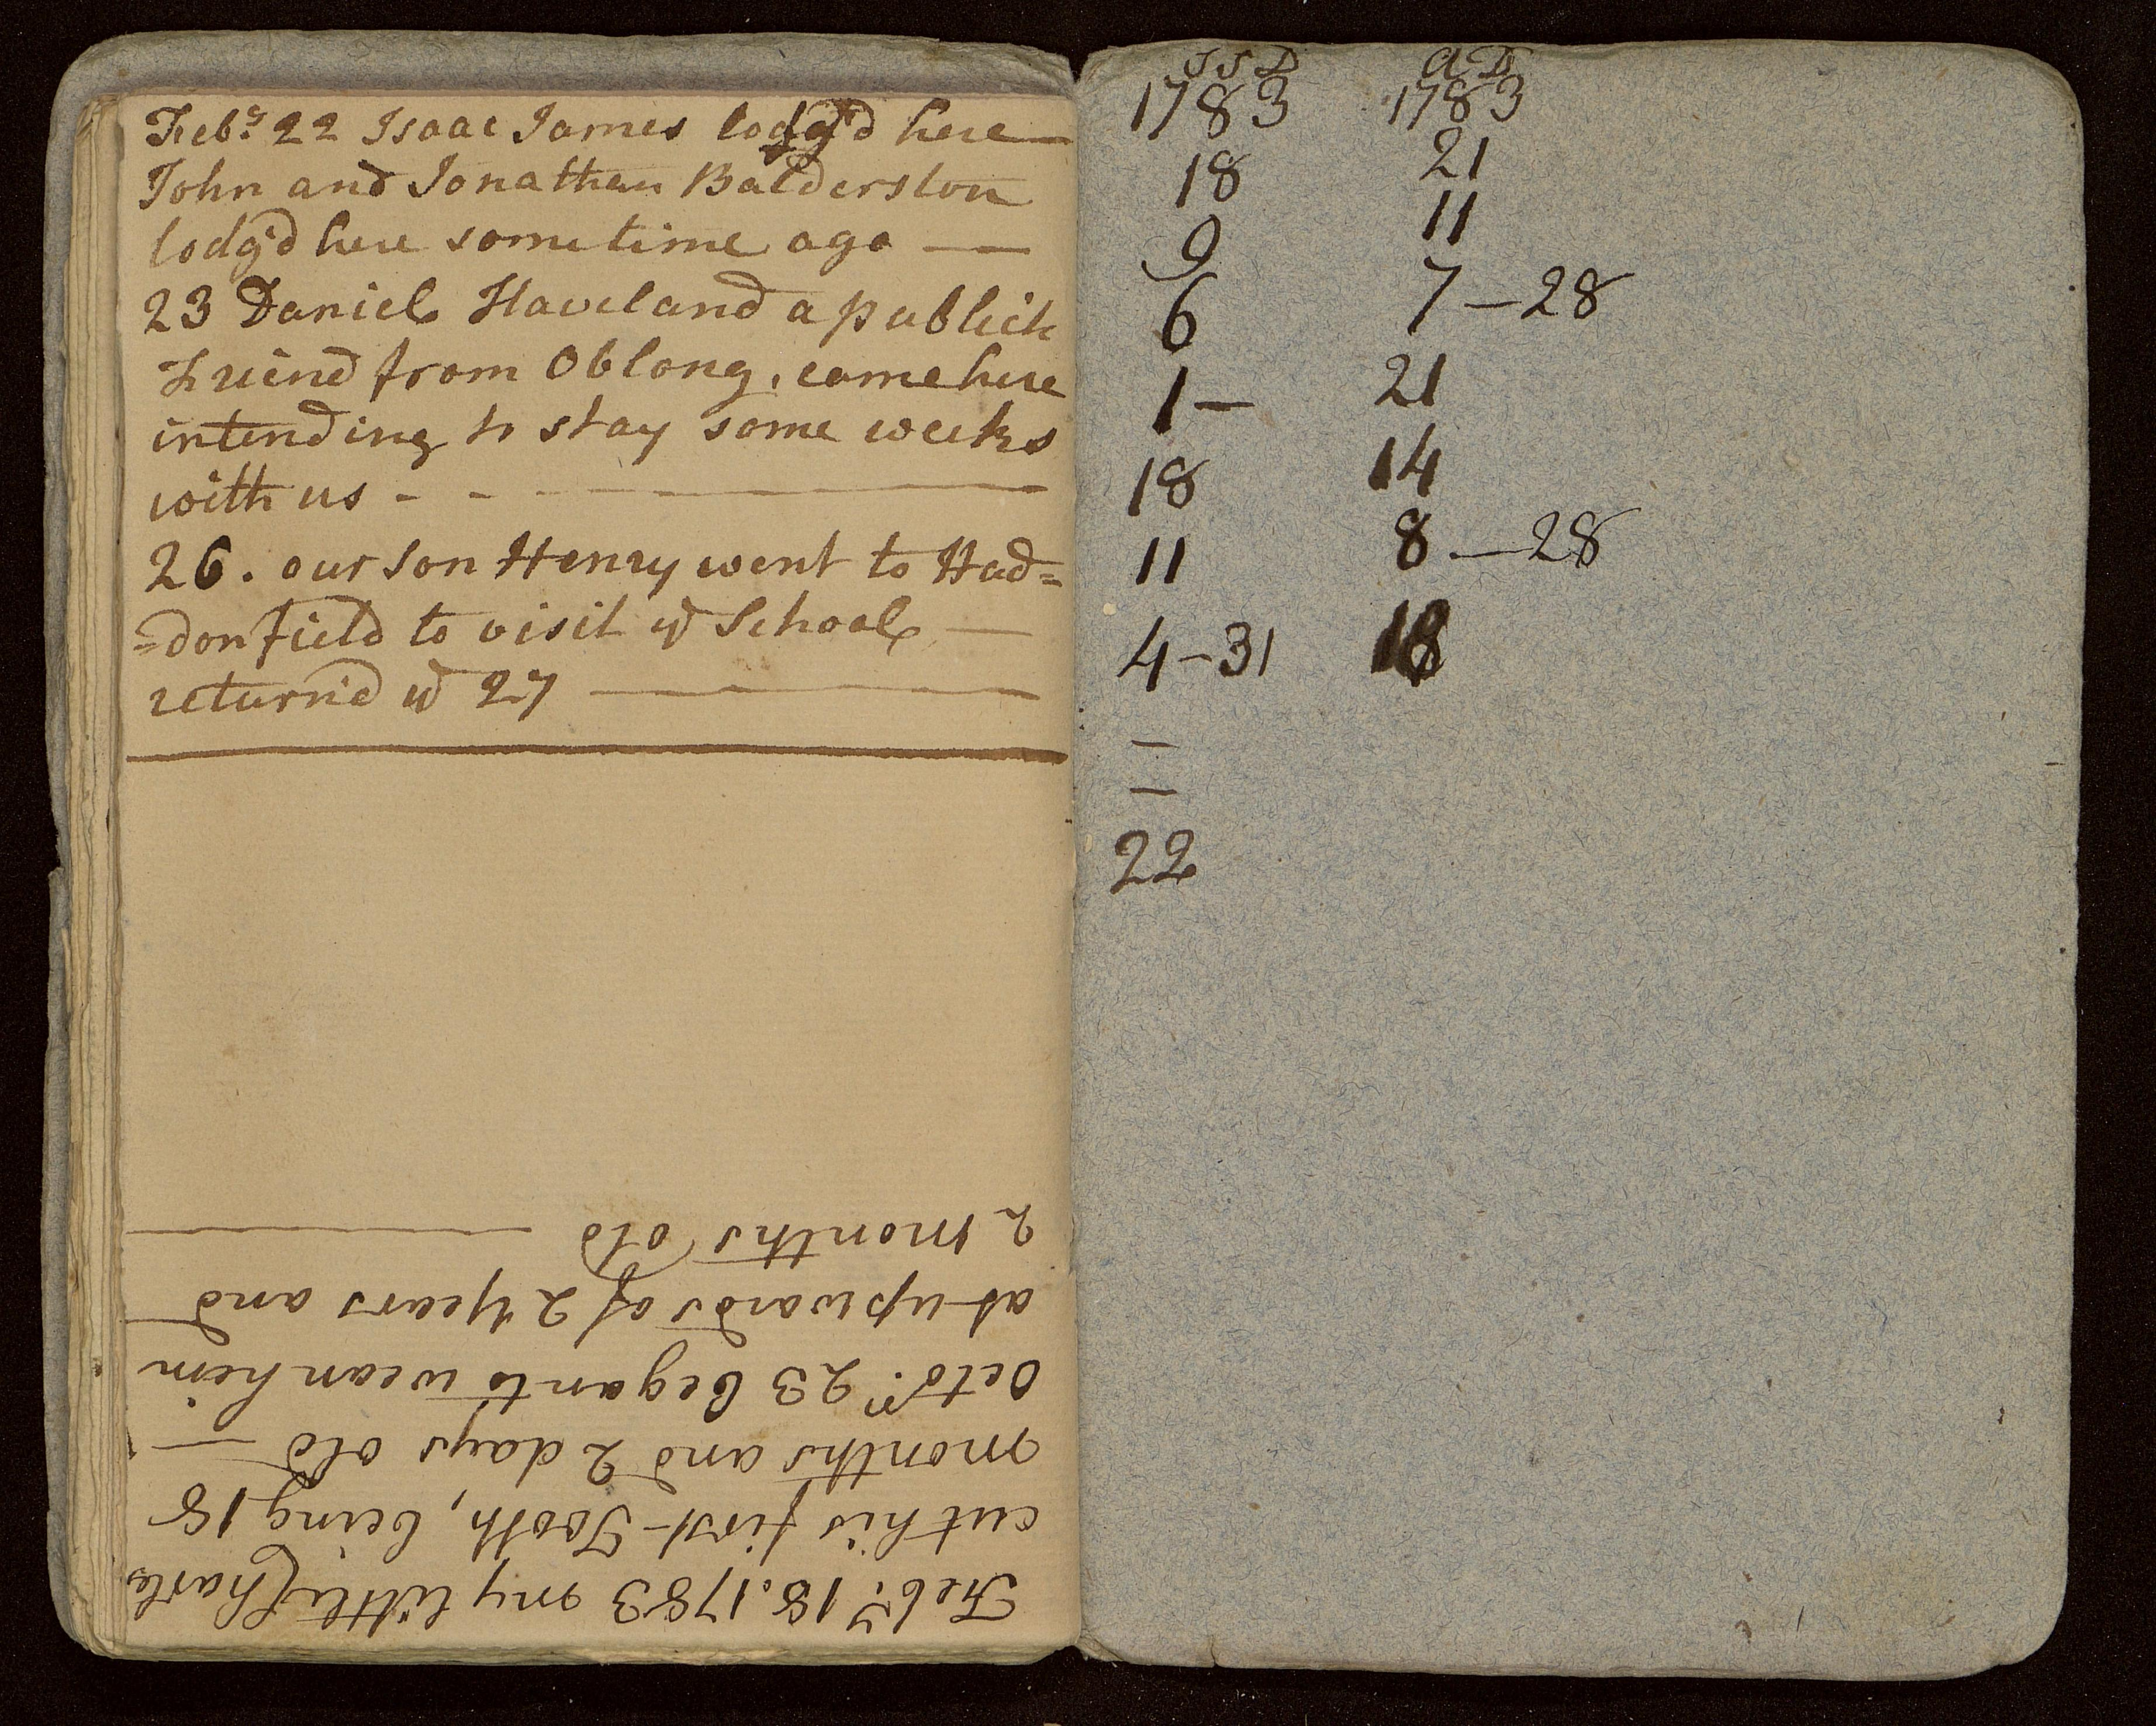Feb^y. 22 Isaac James lodg'd here
John and Jonathan Balderston,
lodg'd here some time ago-
23 Daniel Haveland a publick
Friend from Oblong, came here
intending to stay some weeks
with us-
26. our son Henry went to Had-
-donfield to visit y^e School-
return'd y^e 27
JSD
AD
1783
1783
18
21
9
11
6
7-28
1-
21
18
14
11
8-28
4-31
18
-
-
22
Feb^y. 18. 1783 my little Charles
cut his first Tooth, being 18
months and 2 days old-
Octo^r. 23 began to wean him
at upwards of 2 years and
2 months old